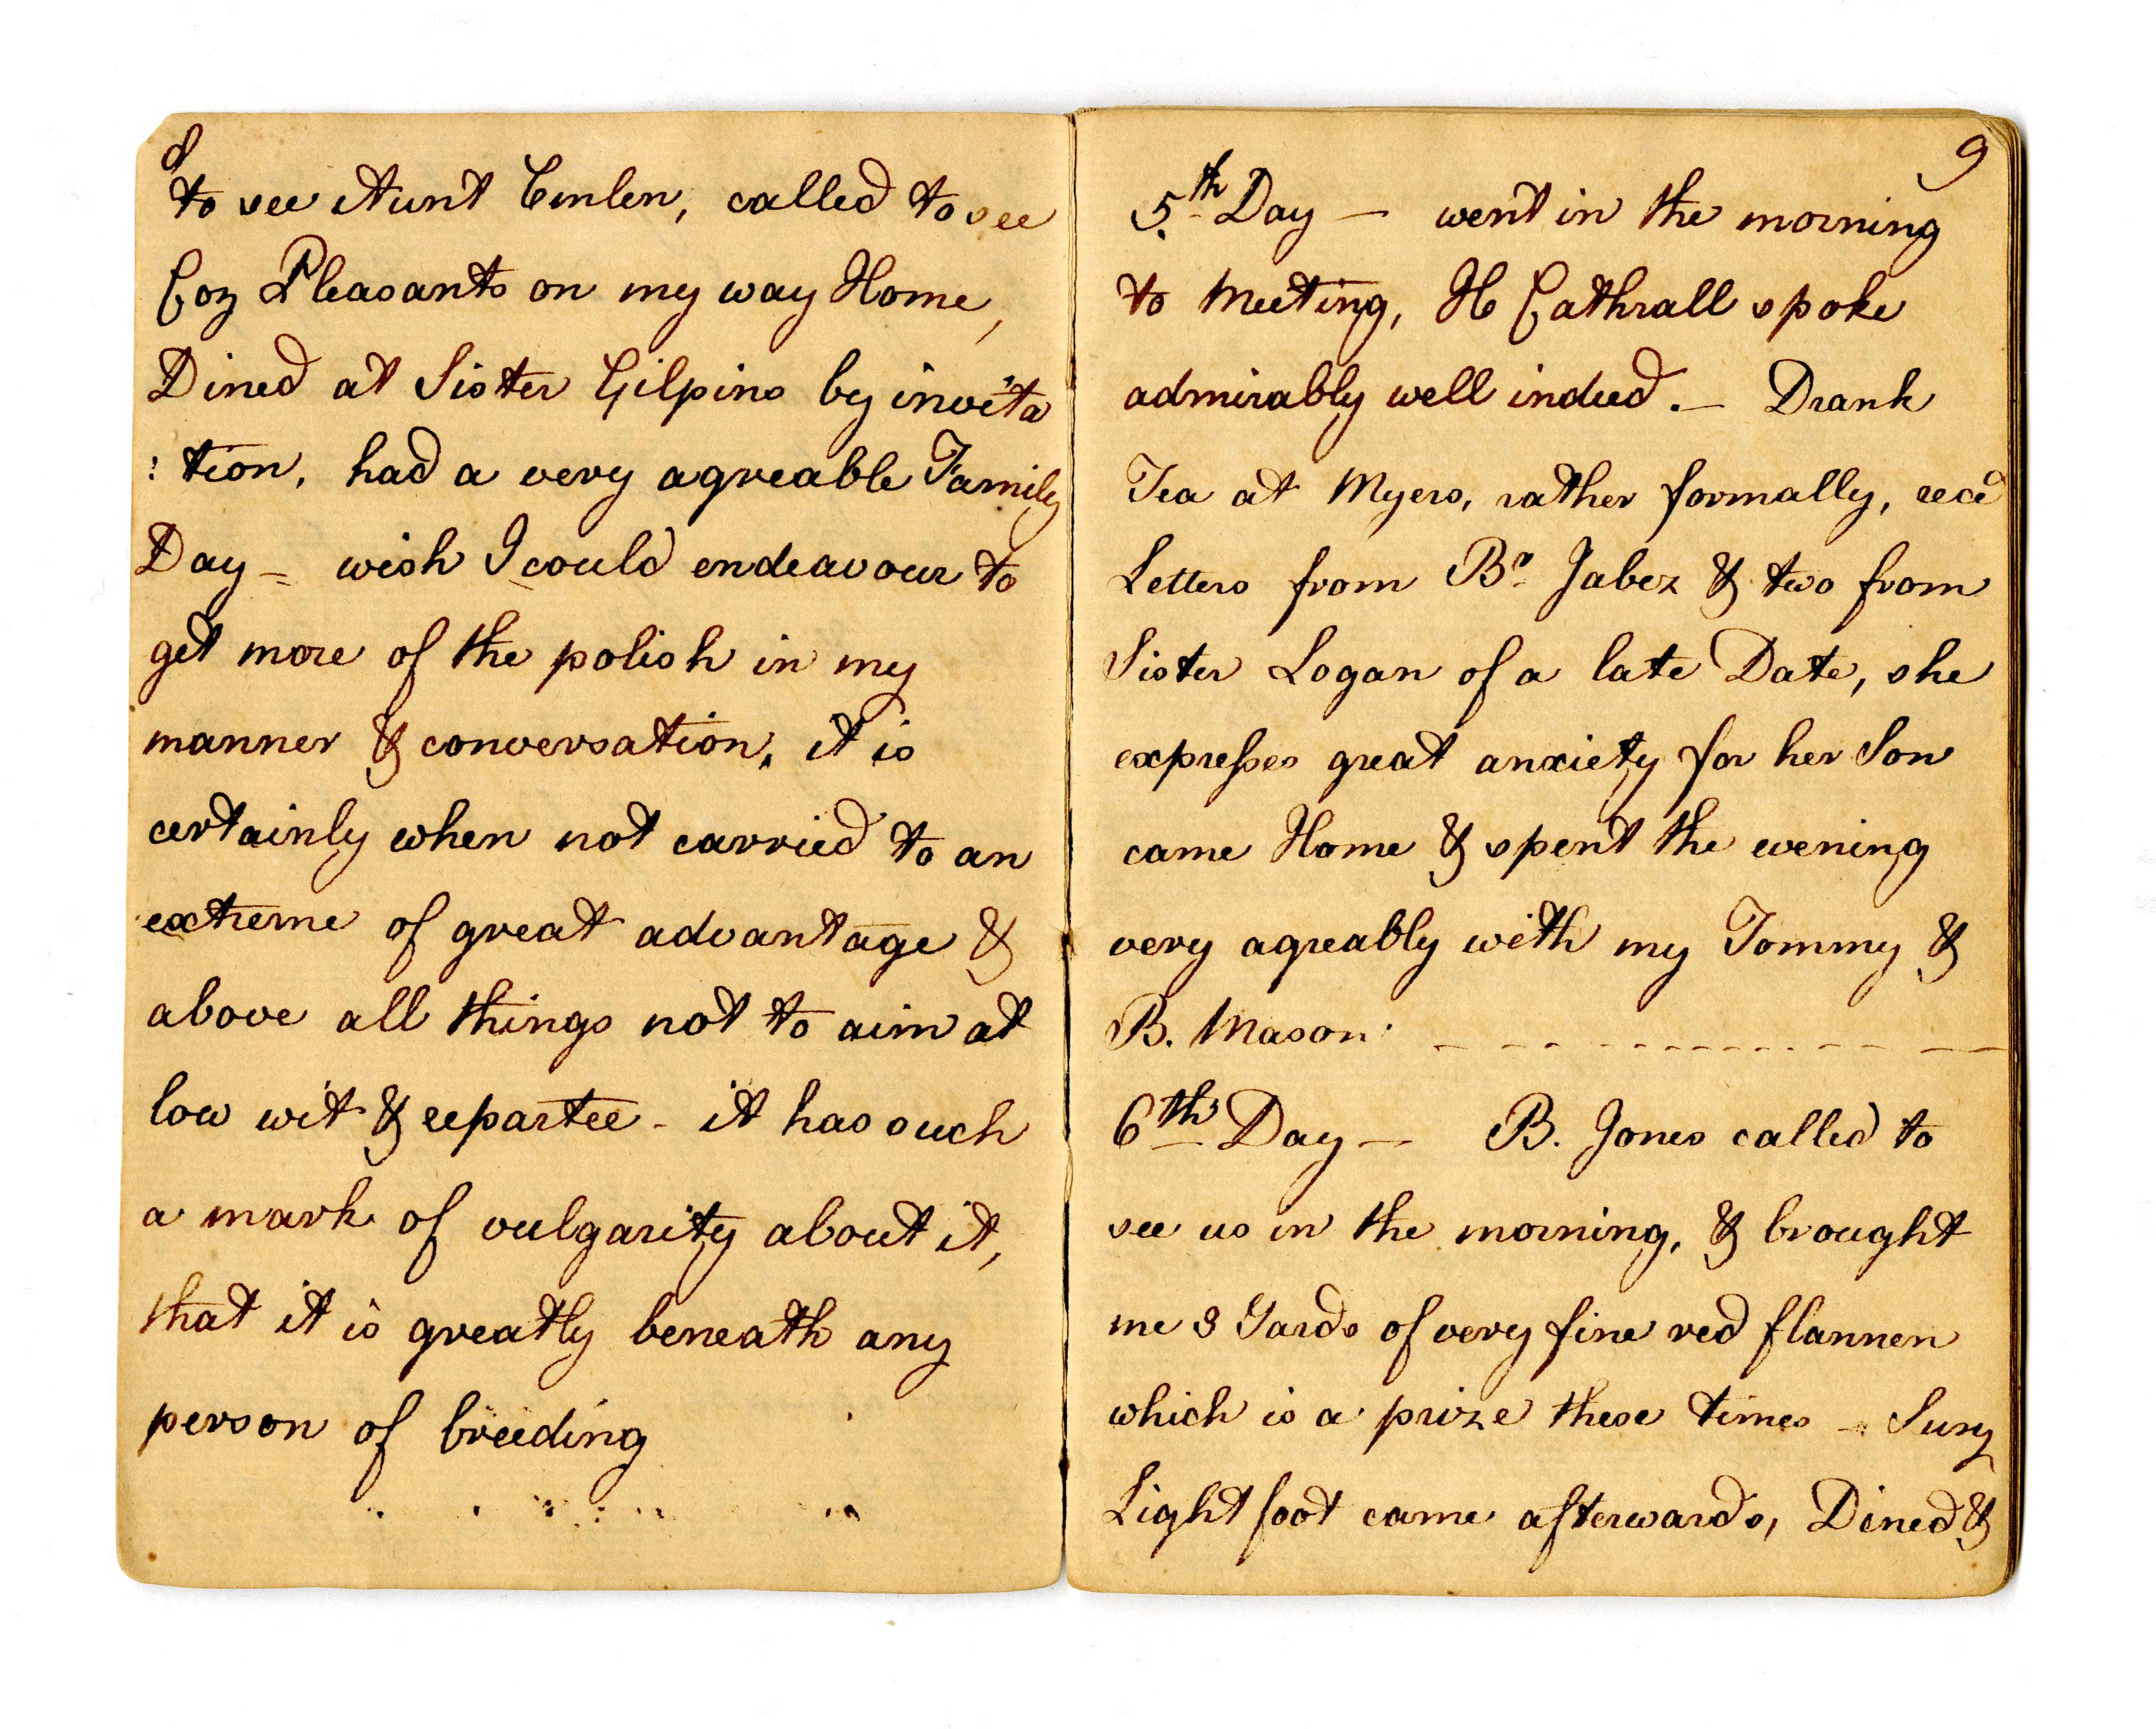8
to see Aunt Emlen, called to see
Coz Pleasants on my way Home,
Dined at Sister Gilpins by invita
-tion, had a very agreable Family
Day- wish I could endeavour to
get more of the polish in my
manner & conversation, it is
certainly when not carried to an
extreme of great advantage &
above all things not to aim at
low wit & repartee- it has such
a mark of vulgarity about it,
that it is greatly beneath any
person of breeding
9
5^th Day- went in the morning
to Meeting, H Cathrall spoke
admirably well indeed.- Drank
Tea at Myers, rather formally, recd
Letters from B^r Jabez & two from
Sister Logan of a late Date, she
expresses great anxiety for her Sons
came Home & spent the evening
very agreably with my Tommy &
B. Mason -
6^th Day- B. Jones called to
see us in the morning, & brought
me 3 Yards of very fine red flannen
which is a prize these times - Susy
Lightfoot came afterwards, Dined &